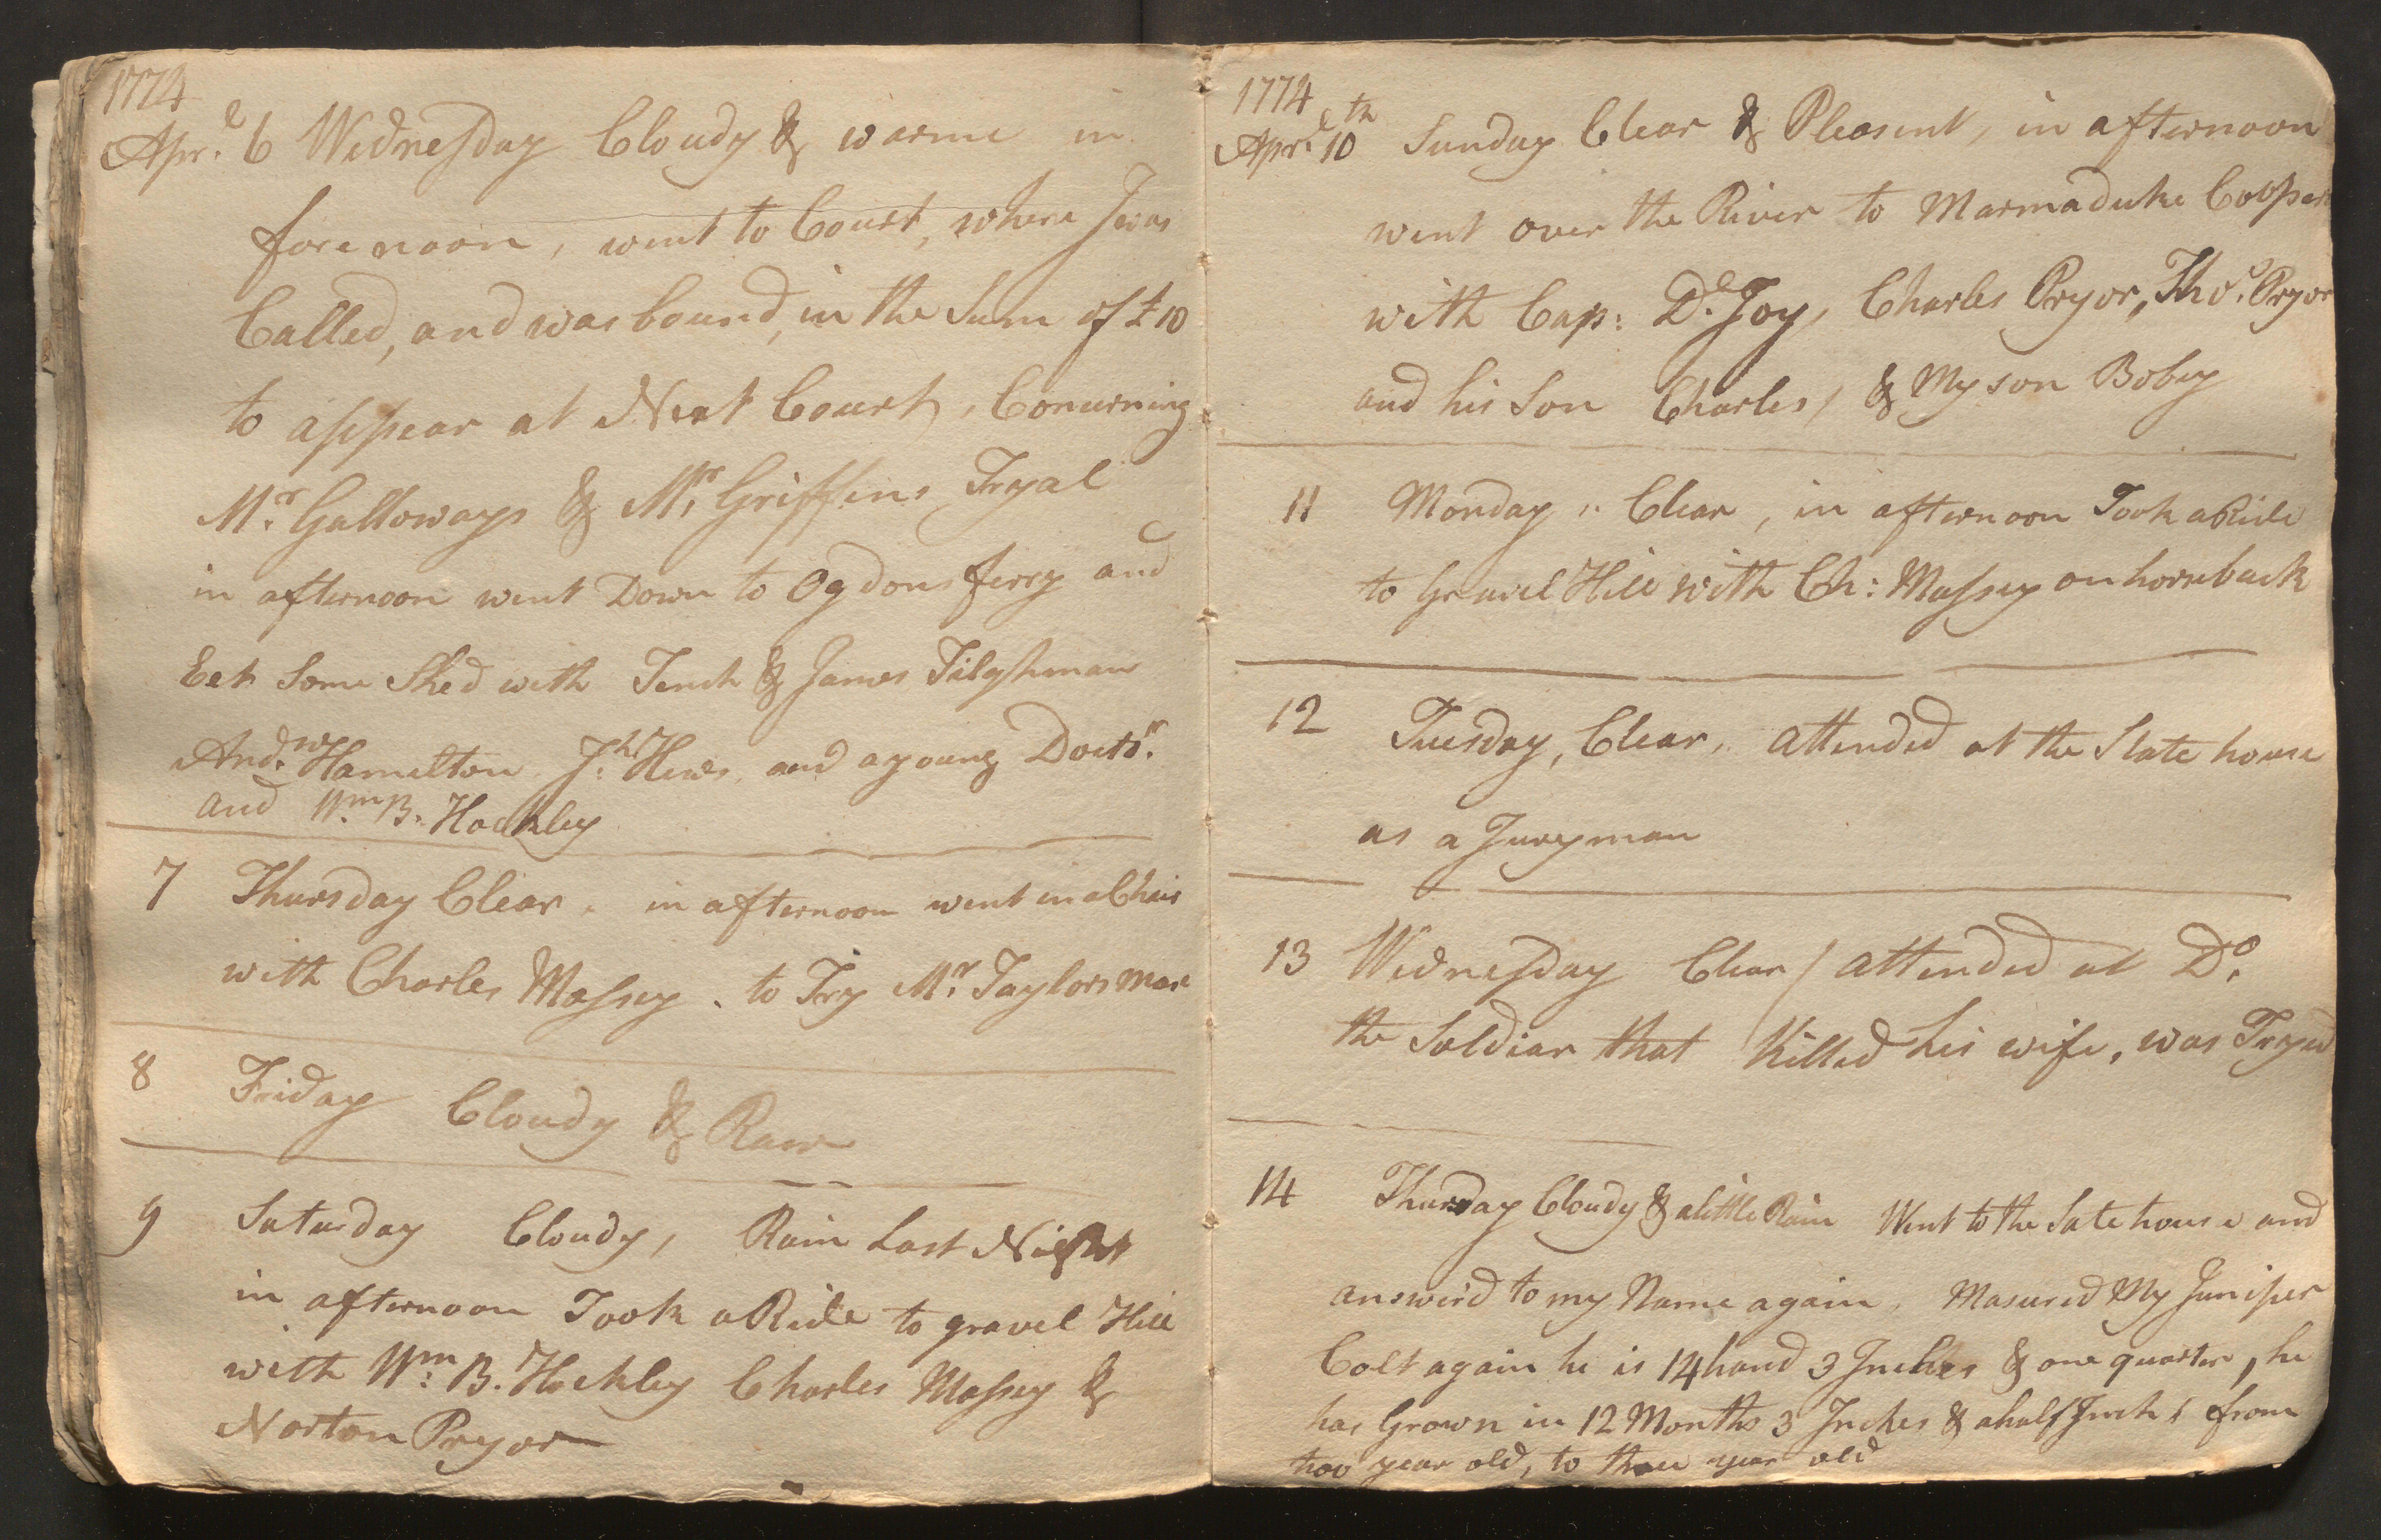1774
Apr^l. 6 Wednesday Cloudy & warme in
forenoon, went to Court, where I was
Called, and was bound, in the Sum of £10.
to appear at Next Court, Concerning
M^r. Galloways & M^r. Griffins Tryal
in afternoon went Down to Ogdons ferry and
Eet some Shed with Tench & James Tilghman
And^w. Hamelton J^h. Hews, and a young Docto^r.
aned W^m. B. Hockley
7 Thursday Clear, in afternoon went in a Chair
with Charles Massey. to Try M^r. Taylors mare
8 Friday Cloudy & Raw
9 Saturday Cloudy, Rain Last Night
in afternoon Took a Ride to gravel Hill
with W^m. B. Hockley Charles Massey &
Norton Pryor
Apr^l. 10 Sunday Clear & Pleasent, in afternoon
1774
went over the River to Marmaduke Cooper
with Cap. D^l. Joy, Charles Pryor, Tho^s. Pryor
and his son Charles, & My son Bobey
11 Monday. Clear, in afternoon Took a Ride
to Gravel Hill with Ch: Massey on horseback
12
Tuesday, Clear, attended at the State house
as a Jury man
13 Wednesday Clear / attended at D^o.
the Soldiar that Killed his wife, was Tryed
14 Thurday Cloudy & a little Rain Went to the Sate house an
answer'd to my Name again, Masured My Juniper
Colt again he is 14 hand 3 Inches & one quarter, he
has Grown in 12 Months 3 Inches & a half Inch from
two year old, to three year old